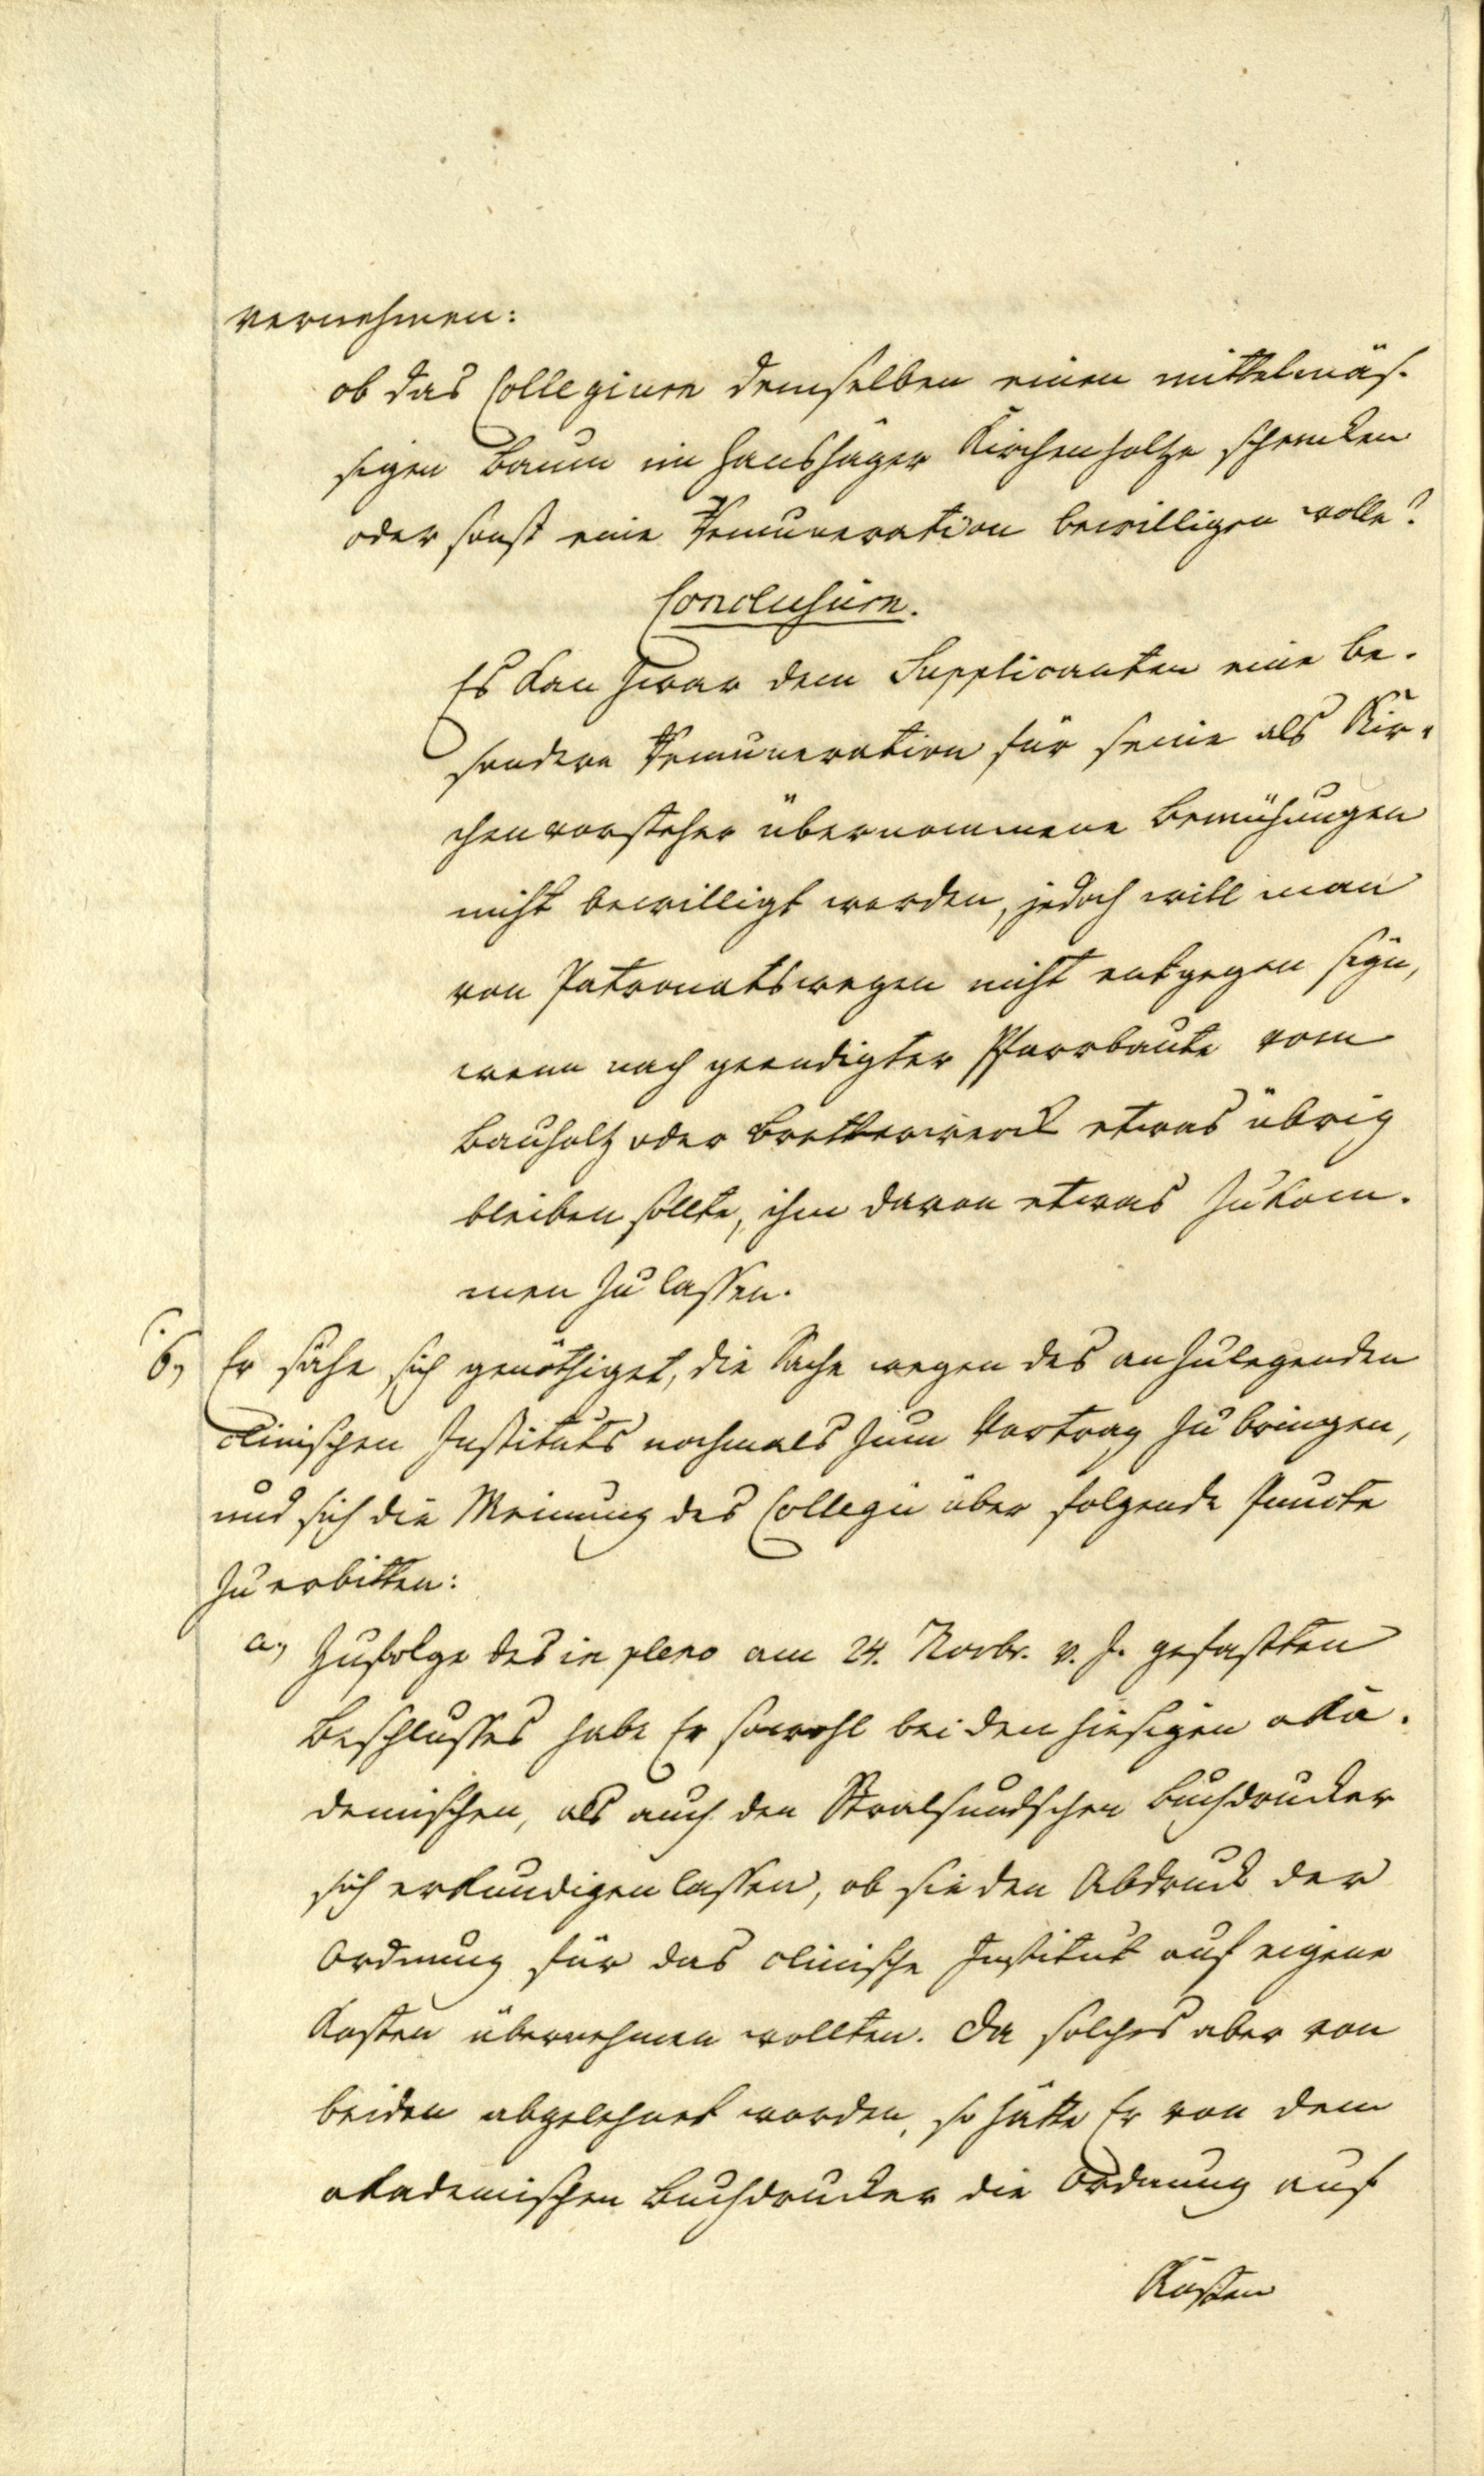vernehmen:
ob das Collegium demselben einen mittelmäs¬
sigen Baum im Hanshägen Kirchenholze schencken
oder sonst eine Remuneration bewilligen wolle?
Conclusum.
Es kan zwar dem Supplicanten eine be¬
sondere Remuneration für seine als Kir¬
chenvorsteher übernommene Bemühungen
nicht bewilligt werden, jedoch will man
von Patromats wegen nicht entgegen seÿn,
wenn nach geendigter Pfarrbaute vom
Bauholz oder Bretterwerck etwas übrig
bleiben sollte, ihm davon etwas zukom¬
men zu lassen.
6., Er sähe sich genöthiget, die Sache wegen des anzulegenden
clinischen Instituts nochmals zum Vortrag zu bringen,
und sich die Meinung des Collegii über folgende Puncte
zu erbitten.
a, Zufolge des in pleno am 24. Novbr. v. J. gefaßten
Beschlusses habe Er sowohl bei den hiesigen aka¬
demischen, als auch den Stralsundschen Buchdrucker
sich erkundigen lassen, ob sie den Abdruck der
Ordnung für das clinische Institut auf eigene
Kosten übernehmen wollten. Da solches aber von
beiden abgelehnet worden, so hätte Er von dem
akademischen Buchdrucker die Ordnung auf
Kosten